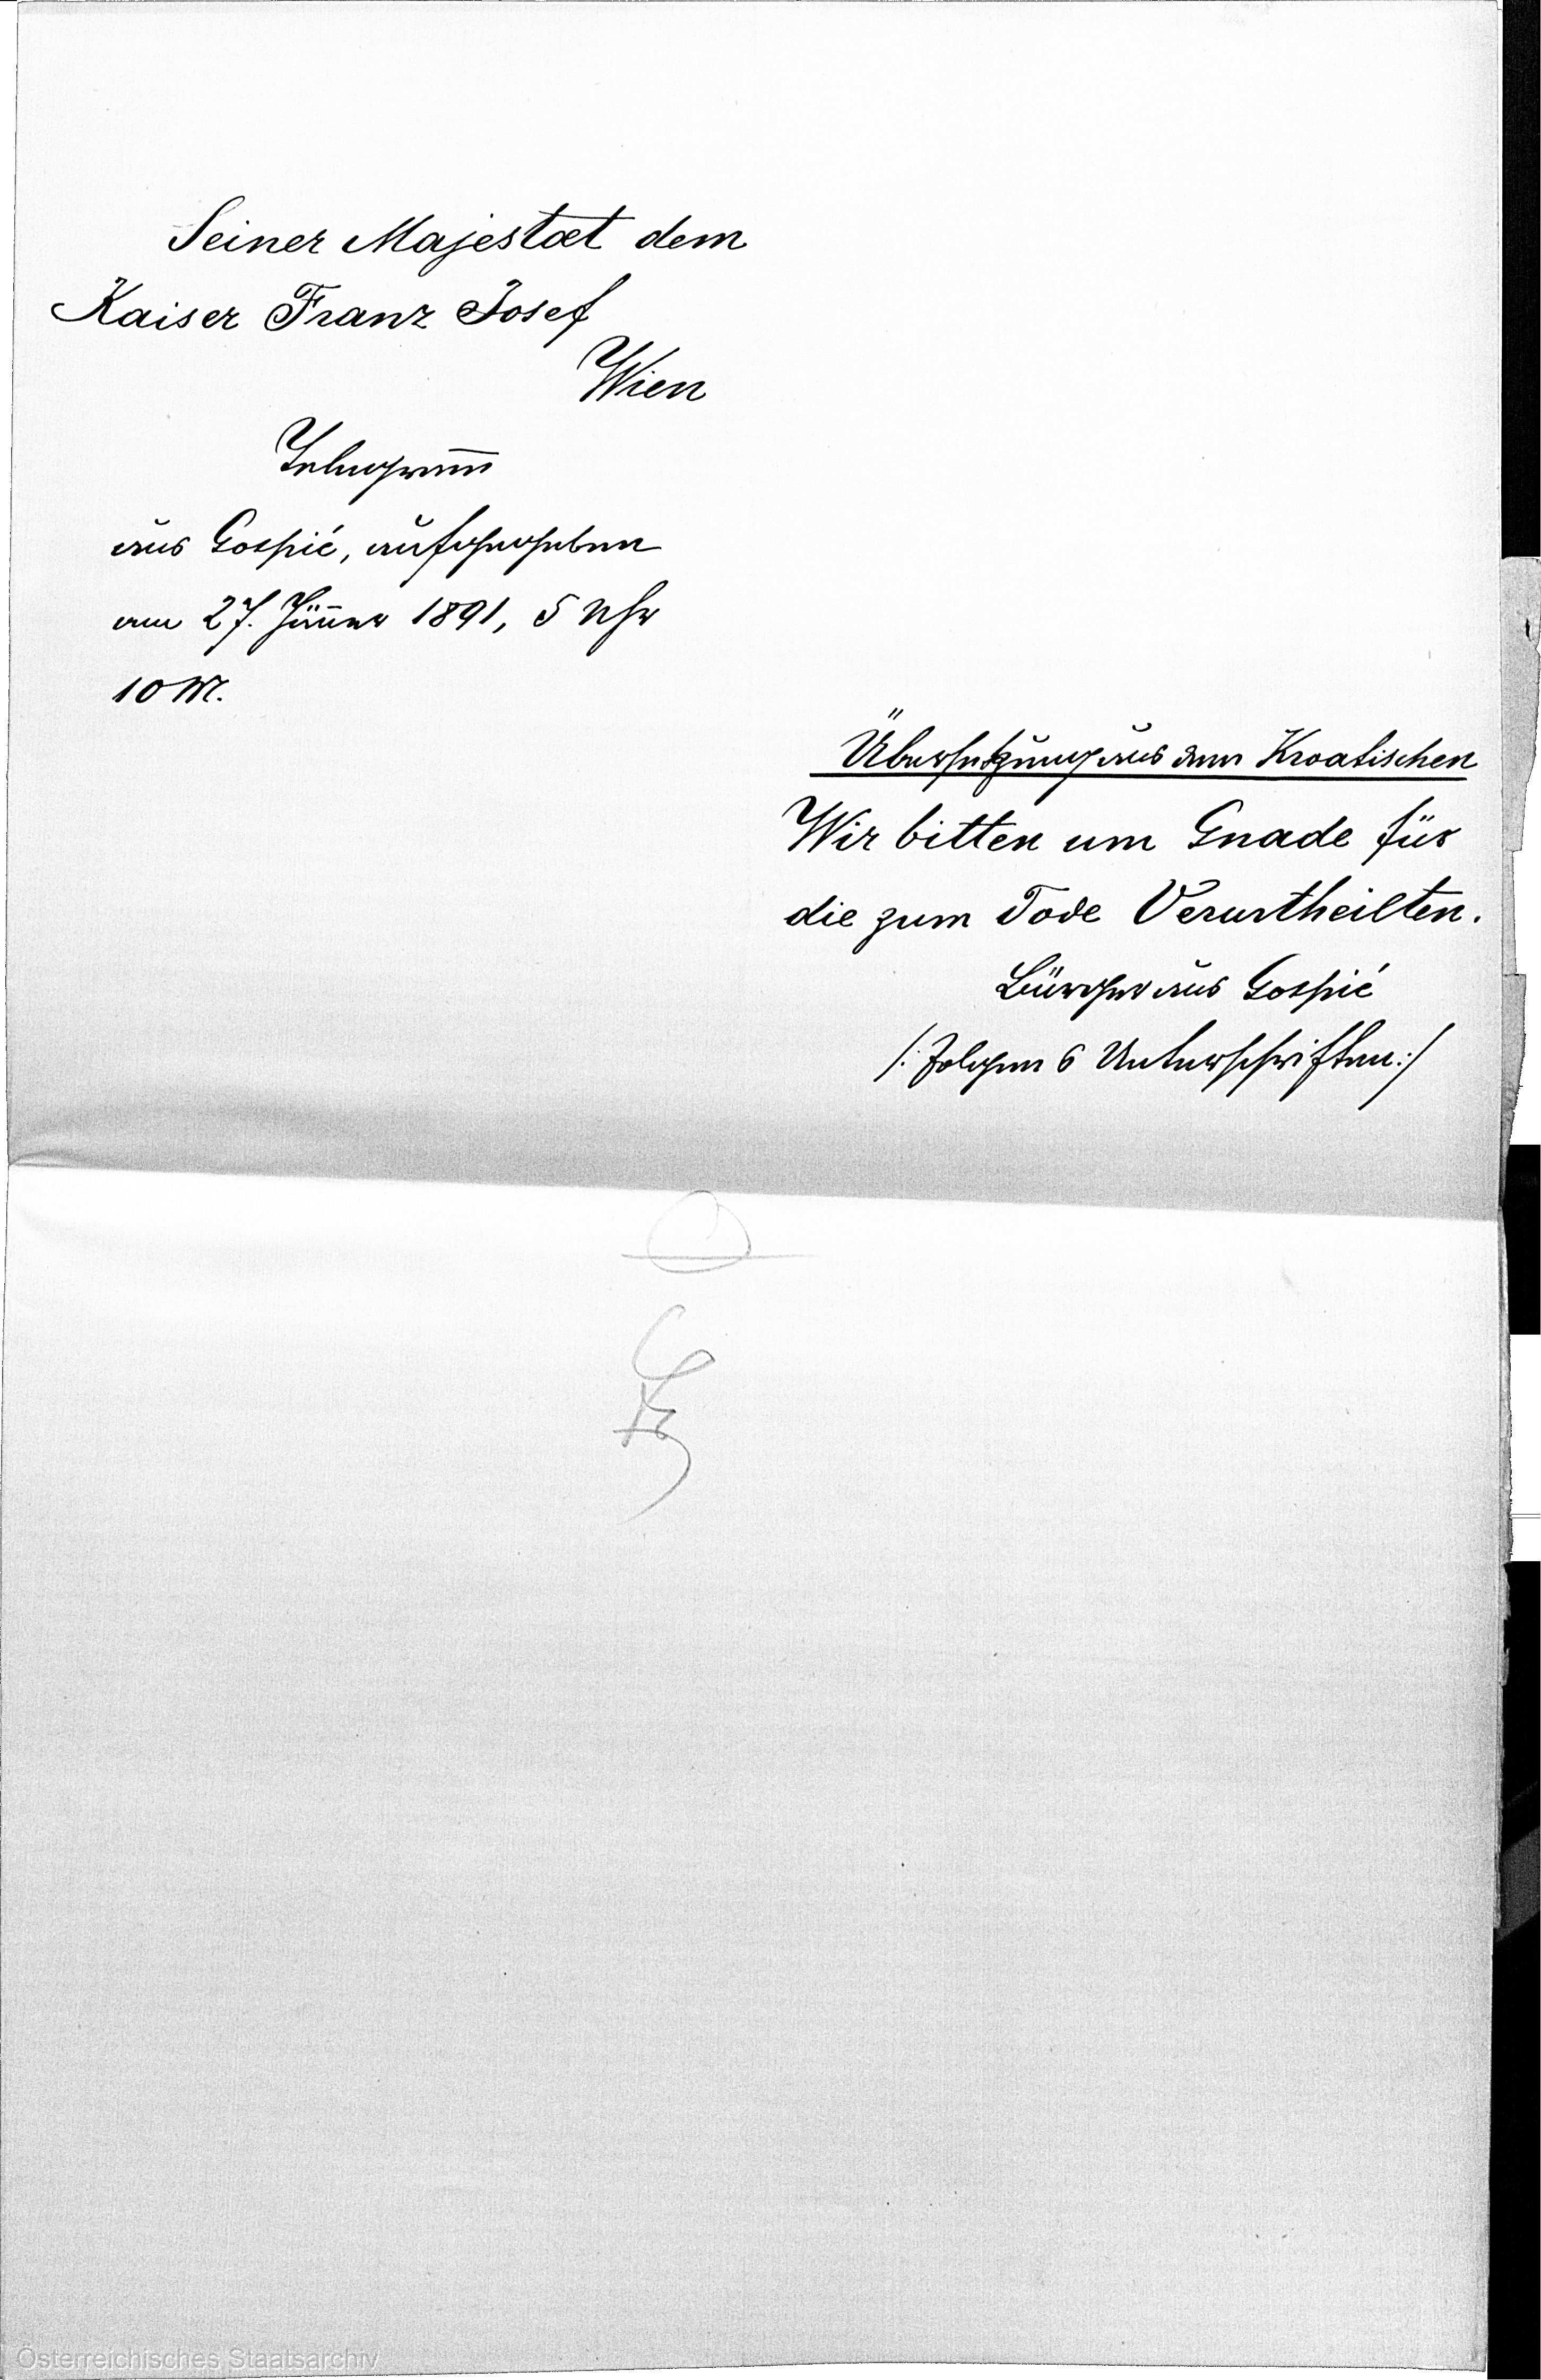Seiner Majestæt dem
Kaiser Franz Josef
Wien
Telegramm
aus Gospić, aufgegeben
am 27. Jänner 1891, 5 Uhr
10 M.
Übersetzung aus dem Kroatischen
Wir bitten um Gnade für
die zum Tode Verurtheilten.
Bürger aus Gospić
/: Folgen 6 Unterschriften :/
xx
xx